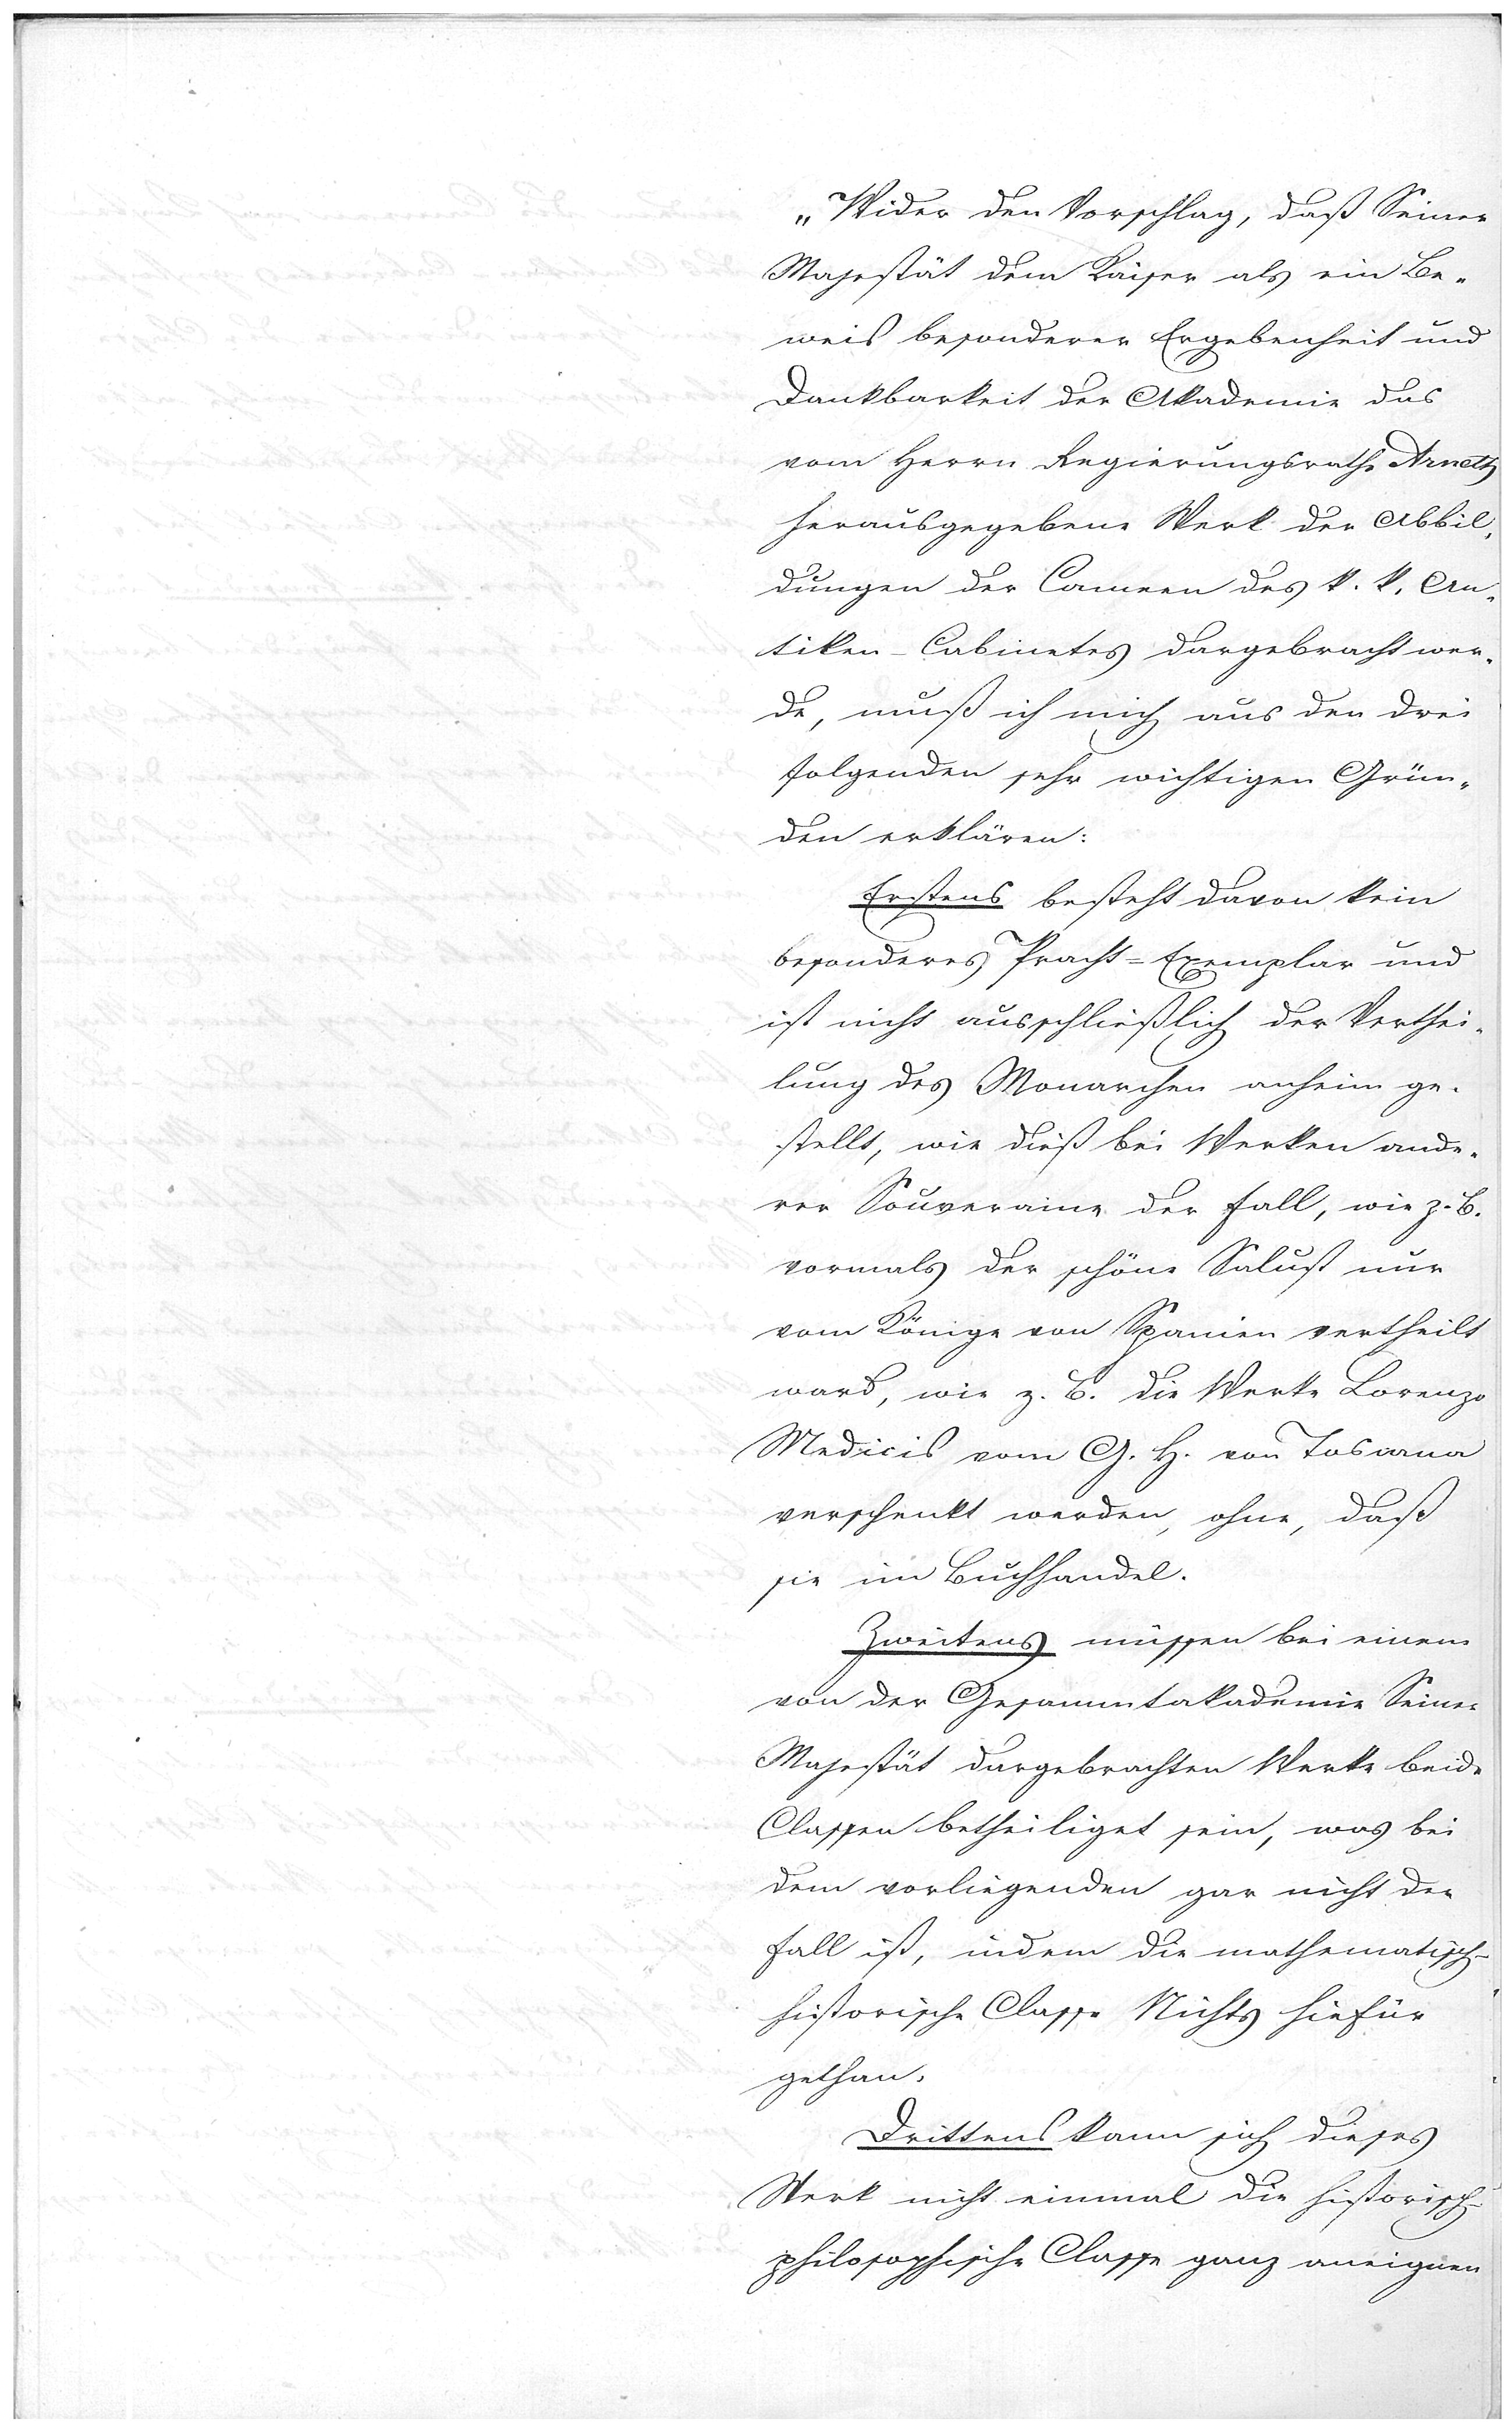"Wider den Vorschlag, daß Seine
Majestät dem Kaiser als ein Be-
weis besonderer Ergebenheit und
Dankbarkeit der Akademie das
vom Herrn Regierungsrath Arneth
herausgegebene Werk der Abbil-
dungen der Cameen des k. k. An-
tiken-Cabinetes dargebracht wer-
de, muß ich auch aus den drei
folgenden sehr wichtigen Grün-
den erklären:
Erstens besteht daven kein
besonderes Pracht-Exemplar und
ist nicht ausschließlich der Verthei
lung der Monarchen anheim ge-
stellt, wie dieß bei Werken ande-
rer Souveraine der Fall, wie z.B.
vormals der schöne Salust nur
vom Könige von Spanien vertheilt
ward, wie z.B. die Werke Lorenzo
Medicis vom G.H von Toscana
verschenkt werden, ohne, daß
sie im Buchhandel.
Zweitens müssen bei einem
von der Gesammtakademie Seiner
Majestät dargebrachten Werke beide
Classen betheiliget sein, was bei
dem vorliegenden gar nicht der
Fall ist, indem die mathematisch-
historische Classe Nichts hiefür
gethan.
Drittens kann sich dieses
Werk nicht einmal die historisch-
philosophische Classe ganz aneignen